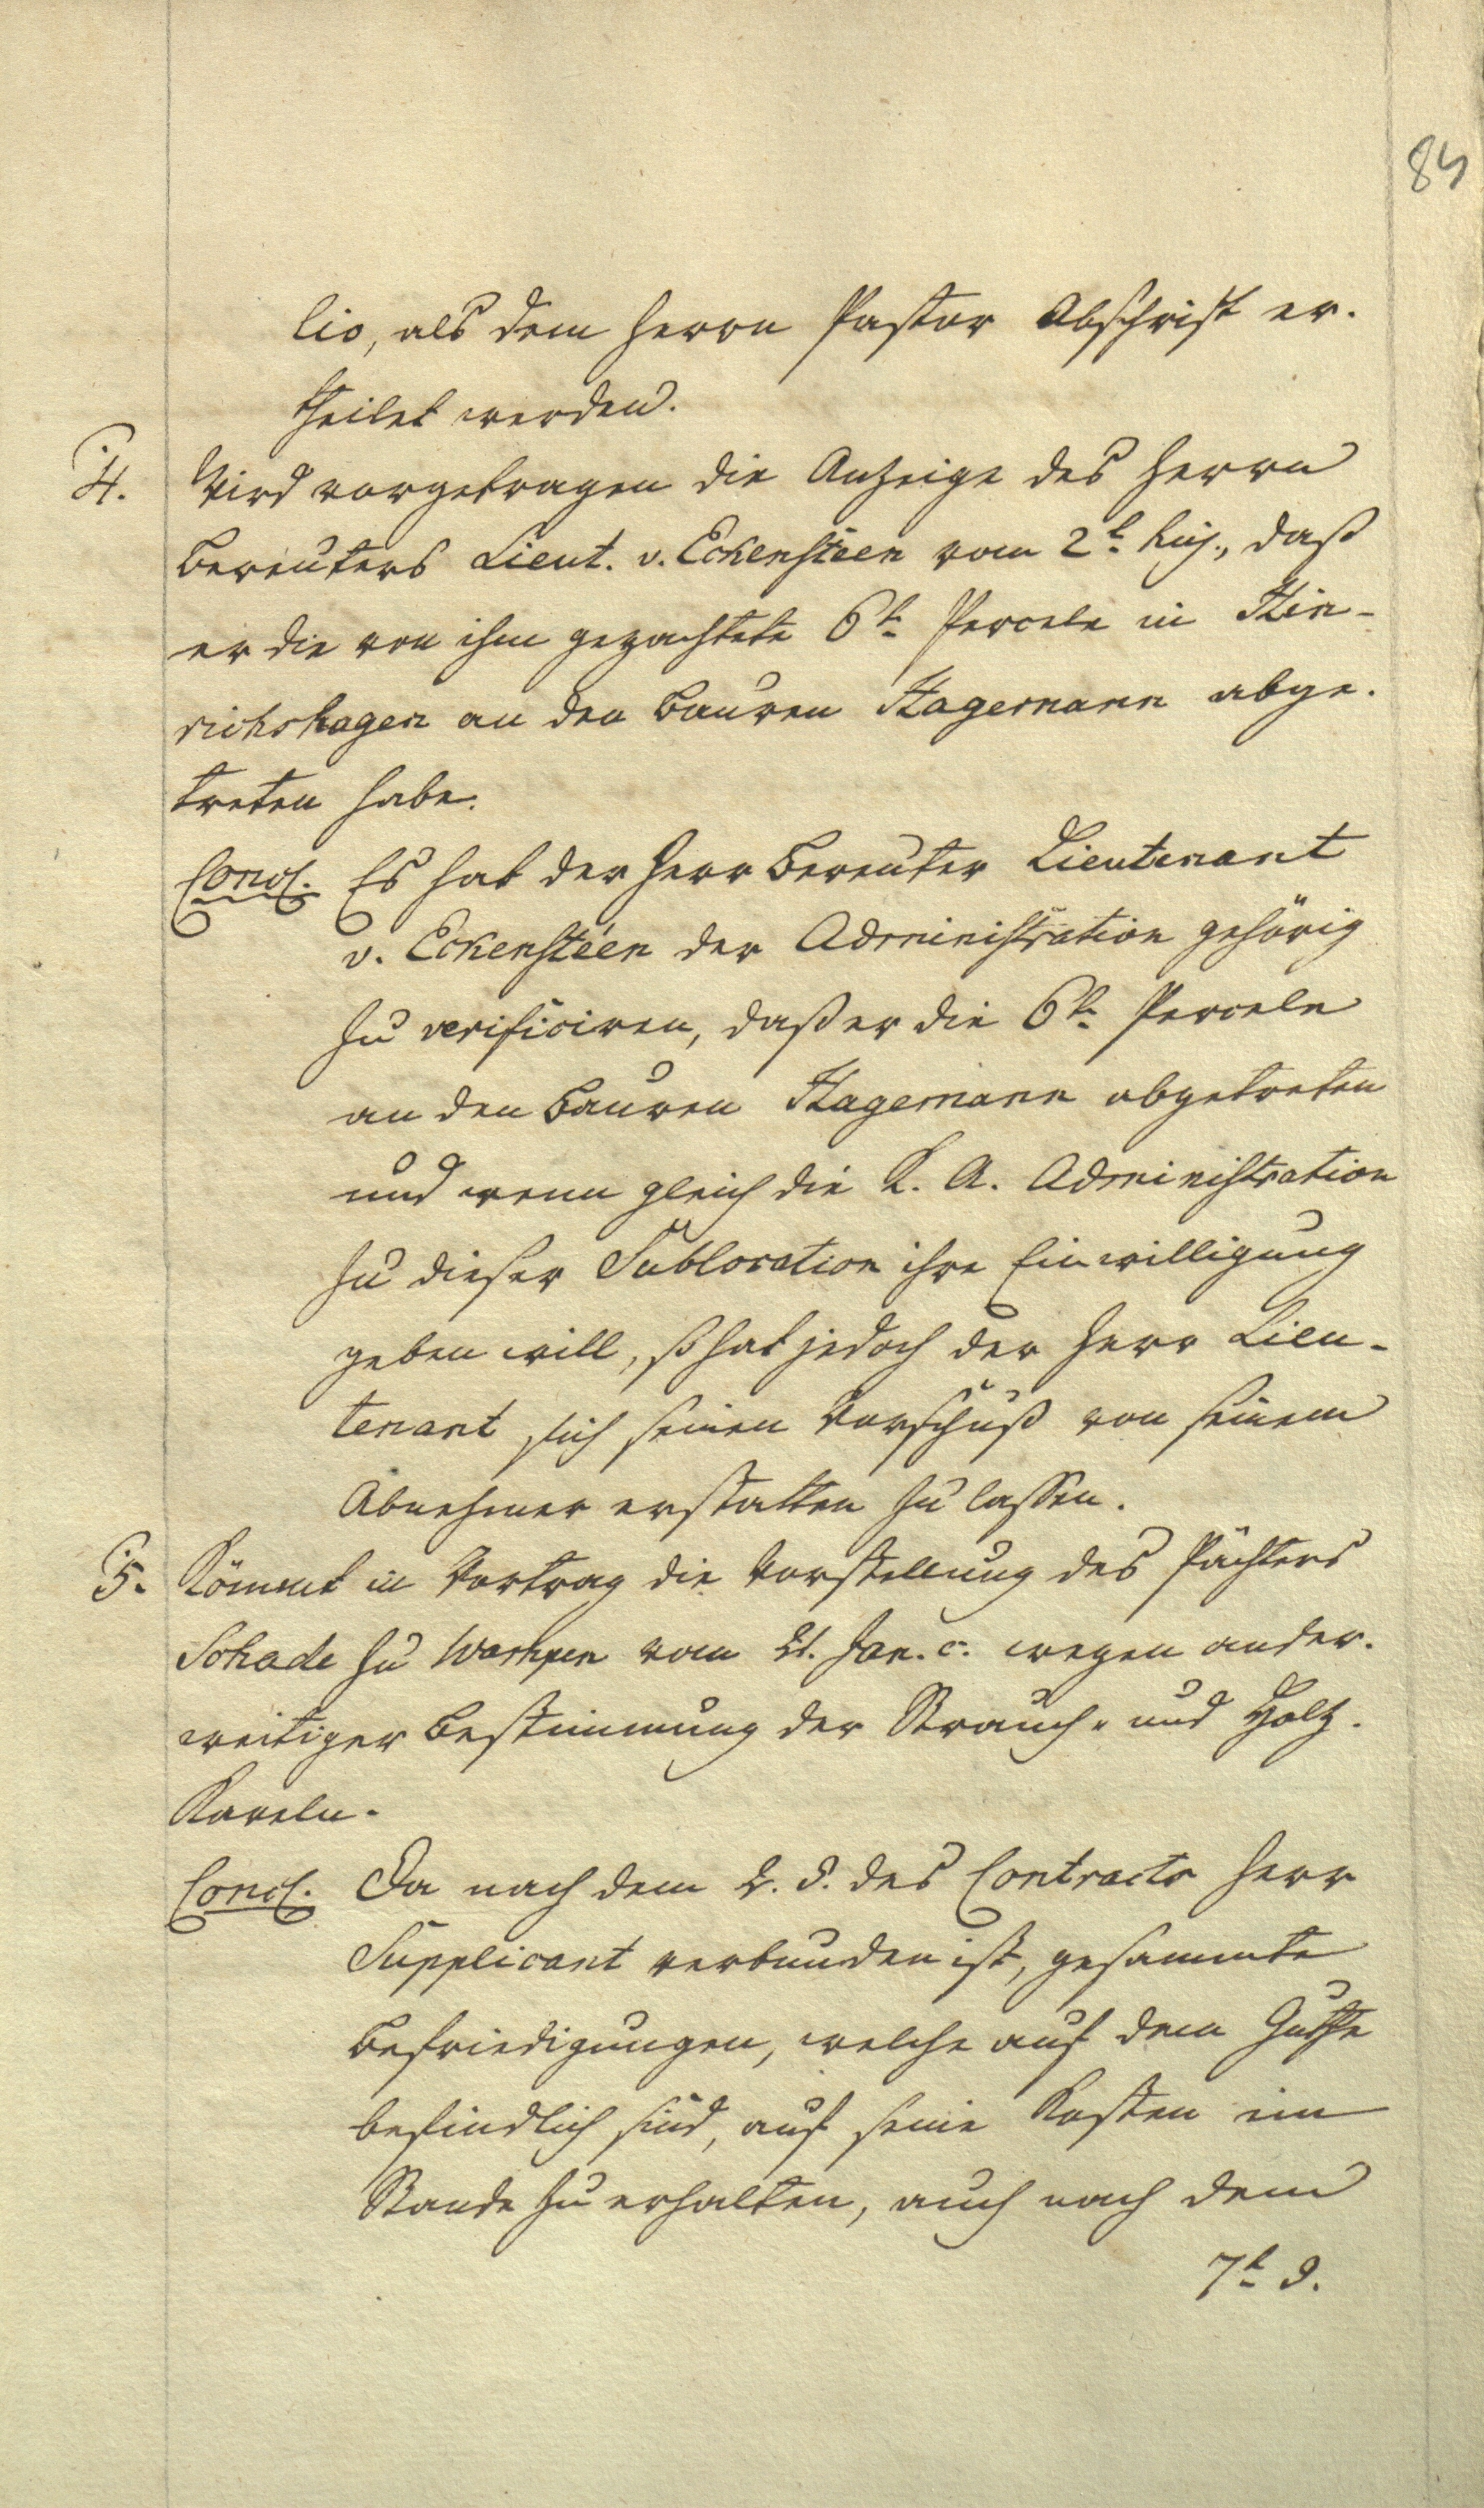lio, als dem Herrn Pastor Abschrift er¬
theilet werden.
4. Wird vorgetragen die Anzeige des Herrn
Bereuters Lieut. v. Eckensteen vom 2 t huj., daß
er die von ihm gepachtete 6 t. Percele in Hin¬
richshagen an den Bauren Hagemann abge¬
treten habe.
Concl. Es hat der Herr Bereuter Lieutenant
v. Eckenstéen der Administration gehörig
zu verificiren, daß er die 6 t Percelen
an den Bauren Hagemann abgetreten
und wenn gleich die K. A. Administration
zu dieser Sublocation ihre Einwilligung
geben will, so hat jedoch der Herr Lieu¬
tenant sich seinen Vorschuß von seinem
Abnehmer erstatten zu lassen.
5. Kömmt in Vortrag die Vorstellung des Pächters
Schade zu Wampen vom 2. Jan. c. wegen ander¬
weitiger Bestimmung der Strauch- und Holz-
Kaveln.
Concl. Da nach dem 2. §. des Contracts Herr
Supplicant verbunden ist, gesammte
Befriedigungen, welche auf dem Guthe
befindlich sind, auf seine Kosten im
Stande zu erhalten, auch nach dem
7t §